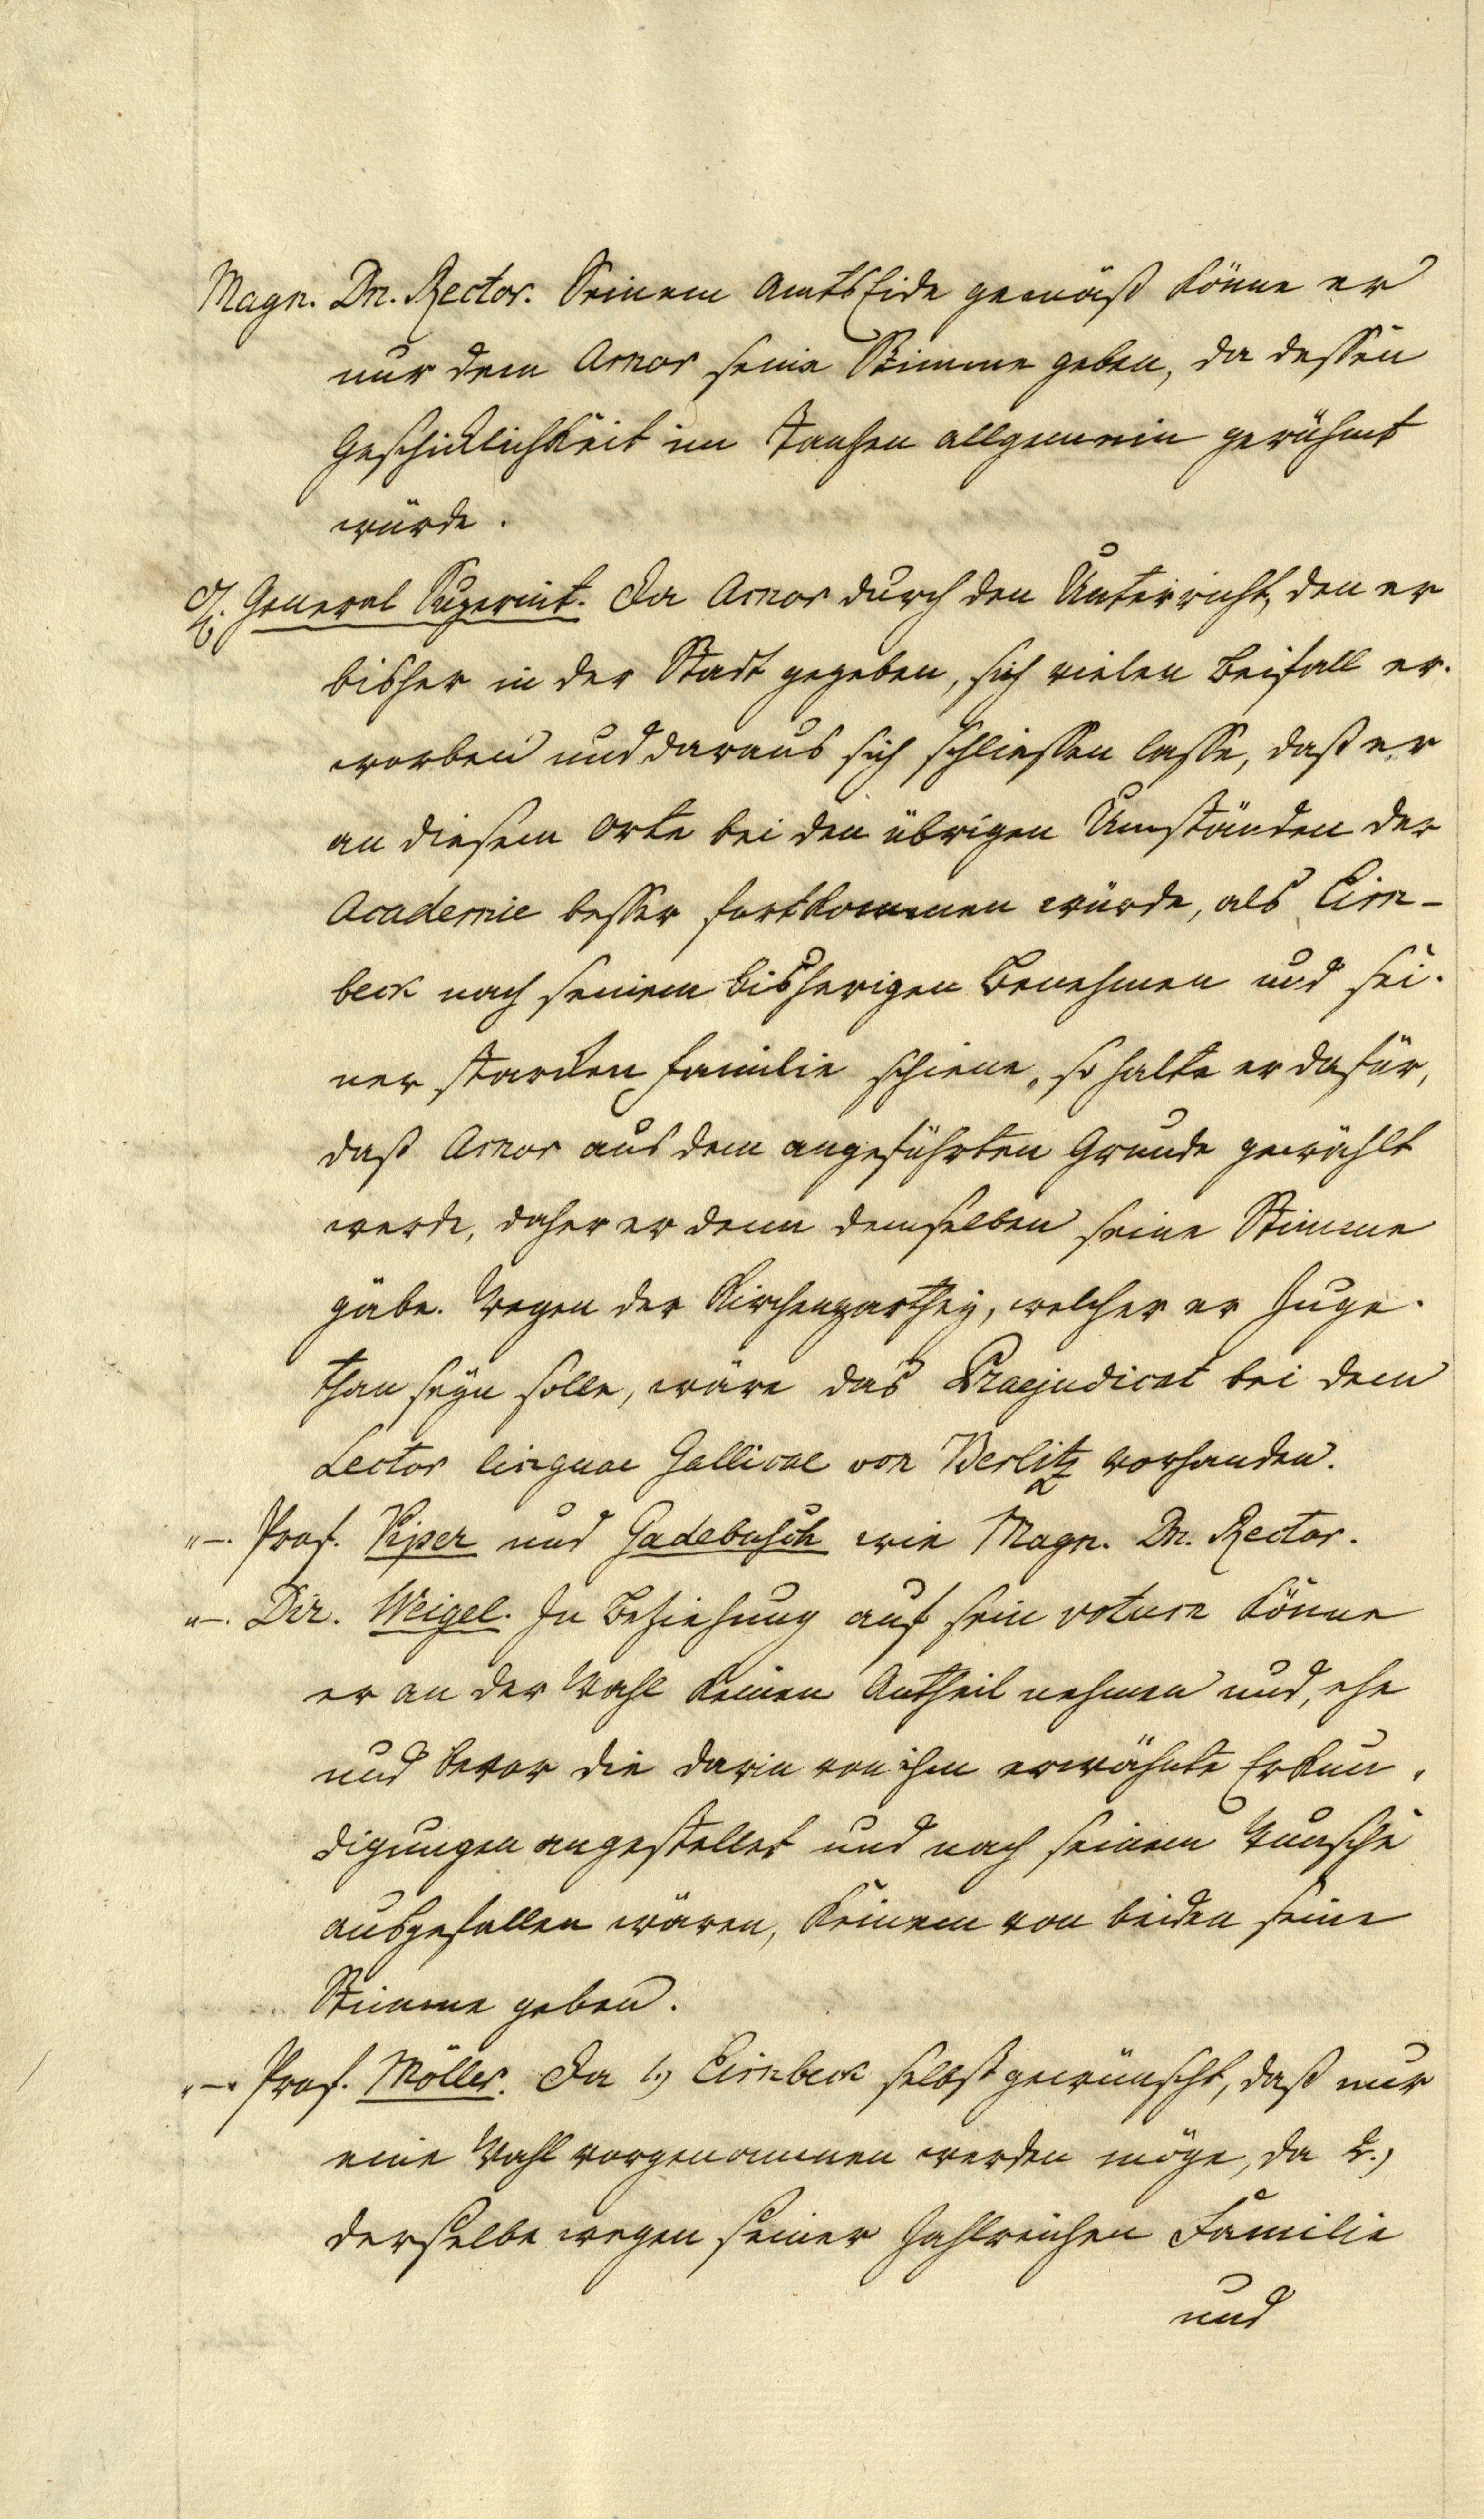Magn. Dn. Rector. Seinem Amts Eide gemäß könne er
nur dem Amor seine Stimme geben, da dessen
Geschicklichkeit im Tanzen allgemein gerühmt
würde.
dh. General Superint. Da Amor durch den Unterricht, den er
bisher in der Stadt gegeben, sich vielen Beifall er-
worben und daraus sich schliessen lasse, daß er
an diesem Orte bei den übrigen Umständen der
Academie besser fortkommen würde, als Eim-
beck nach seinem bisherigen Benehmen und sei-
ner starken Familie schiene, so halte er dafür,
daß Amor aus dem angeführten Grunde gewählt
werde, daher er denn demselben seine Stimme
gäbe. Wegen der Kirchenparthey, welcher er zuge-
than seyn solle, wäre das Praejudicat bei dem
Lector linguae Gallicae von Berlitz vorhanden.
" - . Prof. Piper und Gadebusch wie Magn. Dn. Rector.
" - . Dir. Weigel. In Beziehung auf sein votum könne
er an der Wahl keinen Antheil nehmen und , ehe
und bevor die darin von ihm erwähnte Erkun-
digungen angestellet und nach seinem Wunsche
ausgefallen wären, keinem von beiden seine
Stimme geben.
" - " Prof. Möller. Da 1.) Eimbeck selbst gewünschet, daß nur
eine Wahl vorgenommen werden möge, da 2.)
derselbe wegen seiner zahlreichen Familie
und